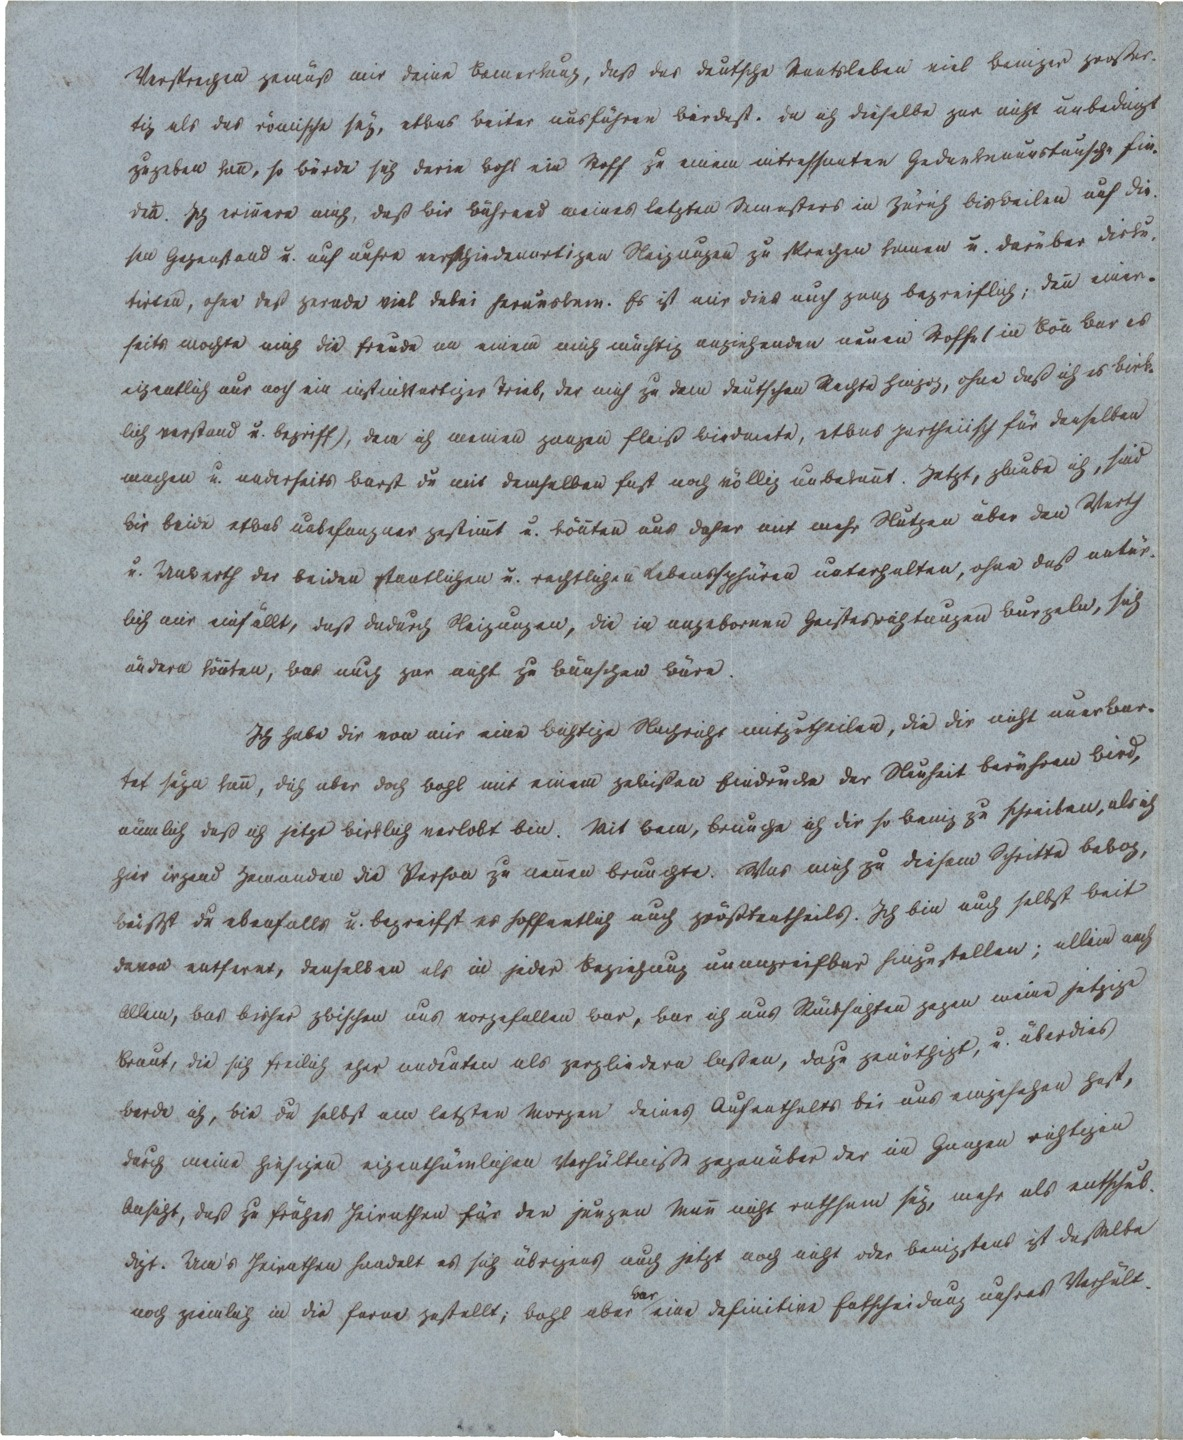Versprechen gemäß mir Deine Bemerkung, daß das deutsche Staatsleben viel weniger großar-
tig als das römische sey, etwas weiter ausführen würdest. Da ich dieselbe gar nicht unbedingt
zugeben kann, so würde sich darin wohl ein Stoff zu einem intressanten Gedankenaustausche fin-
den. Ich erinnere mich, daß wir während meines letzten Semesters in Zürich bisweilen auf die-
sen Gegenstand u. auf unsre verschiedenartigen Neigungen zu sprechen kamen u. darüber disku-
tirten, ohne daß gerade viel dabei herauskam. Es ist mir dies auch ganz begreiflich; denn einer-
seits mochte mich die Freude an einem mich mächtig anziehenden neuen Stoffe (in Bonn war es
eigentlich nur noch ein instinktartiger Trieb, der mich zu dem deutschen Rechte hinzog, ohne daß ich es wirk-
lich verstand u. begriff), dem ich meinen ganzen Fleiß wiedmete, etwas partheiisch für denselben
machen u. anderseits warst Du mit demselben fast noch völlig unbekannt. Jetzt, glaube ich, sind
wir beide etwas unbefangner gestimmt u. könnten uns daher mit mehr Nutzen über den Werth
u. Unwerth der beiden staatlichen u. rechtlichen Lebenssphären unterhalten, ohne daß natür-
lich mir einfällt, daß dadurch Neigungen, die in angebornen Geistesrichtungen wurzeln, sich
ändern könnten, was auch gar nicht zu wünschen wäre.
Ich habe Dir von mir eine wichtige Nachricht mitzutheilen, die Dir nicht unerwar-
tet seyn kann, Dich aber doch wohl mit einem gewissen Eindrucke der Neuheit berühren wird,
nämlich daß ich jetzt wirklich verlobt bin. Mit wem, brauche ich Dir so wenig zu schreiben, als ich
hier irgend Jemanden die Person zu nennen brauchte. Was mich zu diesem Schritte bewog,
weißst Du ebenfalls u. begreifst es hoffentlich auch größtentheils. Ich bin auch selbst weit
davon entfernt, denselben als in jeder Beziehung unangreifbar hinzustellen; allein nach
Allem, was bisher zwischen uns vorgefallen war, war ich aus Rücksichten gegen meine jetzige
Braut, die sich freilich eher andeuten als zergliedern lassen, dazu genöthigt, u. überdies
werde ich, wie Du selbst am letzten Morgen Deines Aufenthalts bei uns eingesehen hast,
durch meine hiesigen eigenthümlichen Verhältnisse gegenüber der im Ganzen richtigen
Ansicht, daß zu frühes Heirathen für den jungen Mann nicht rathsam sey, mehr als entschul-
digt. Um's Heirathen handelt es sich übrigens auch jetzt noch nicht oder wenigstens ist dasselbe
noch ziemlich in die Ferne gestellt, wohl aber war eine definitive Entscheidung unsres Verhält-